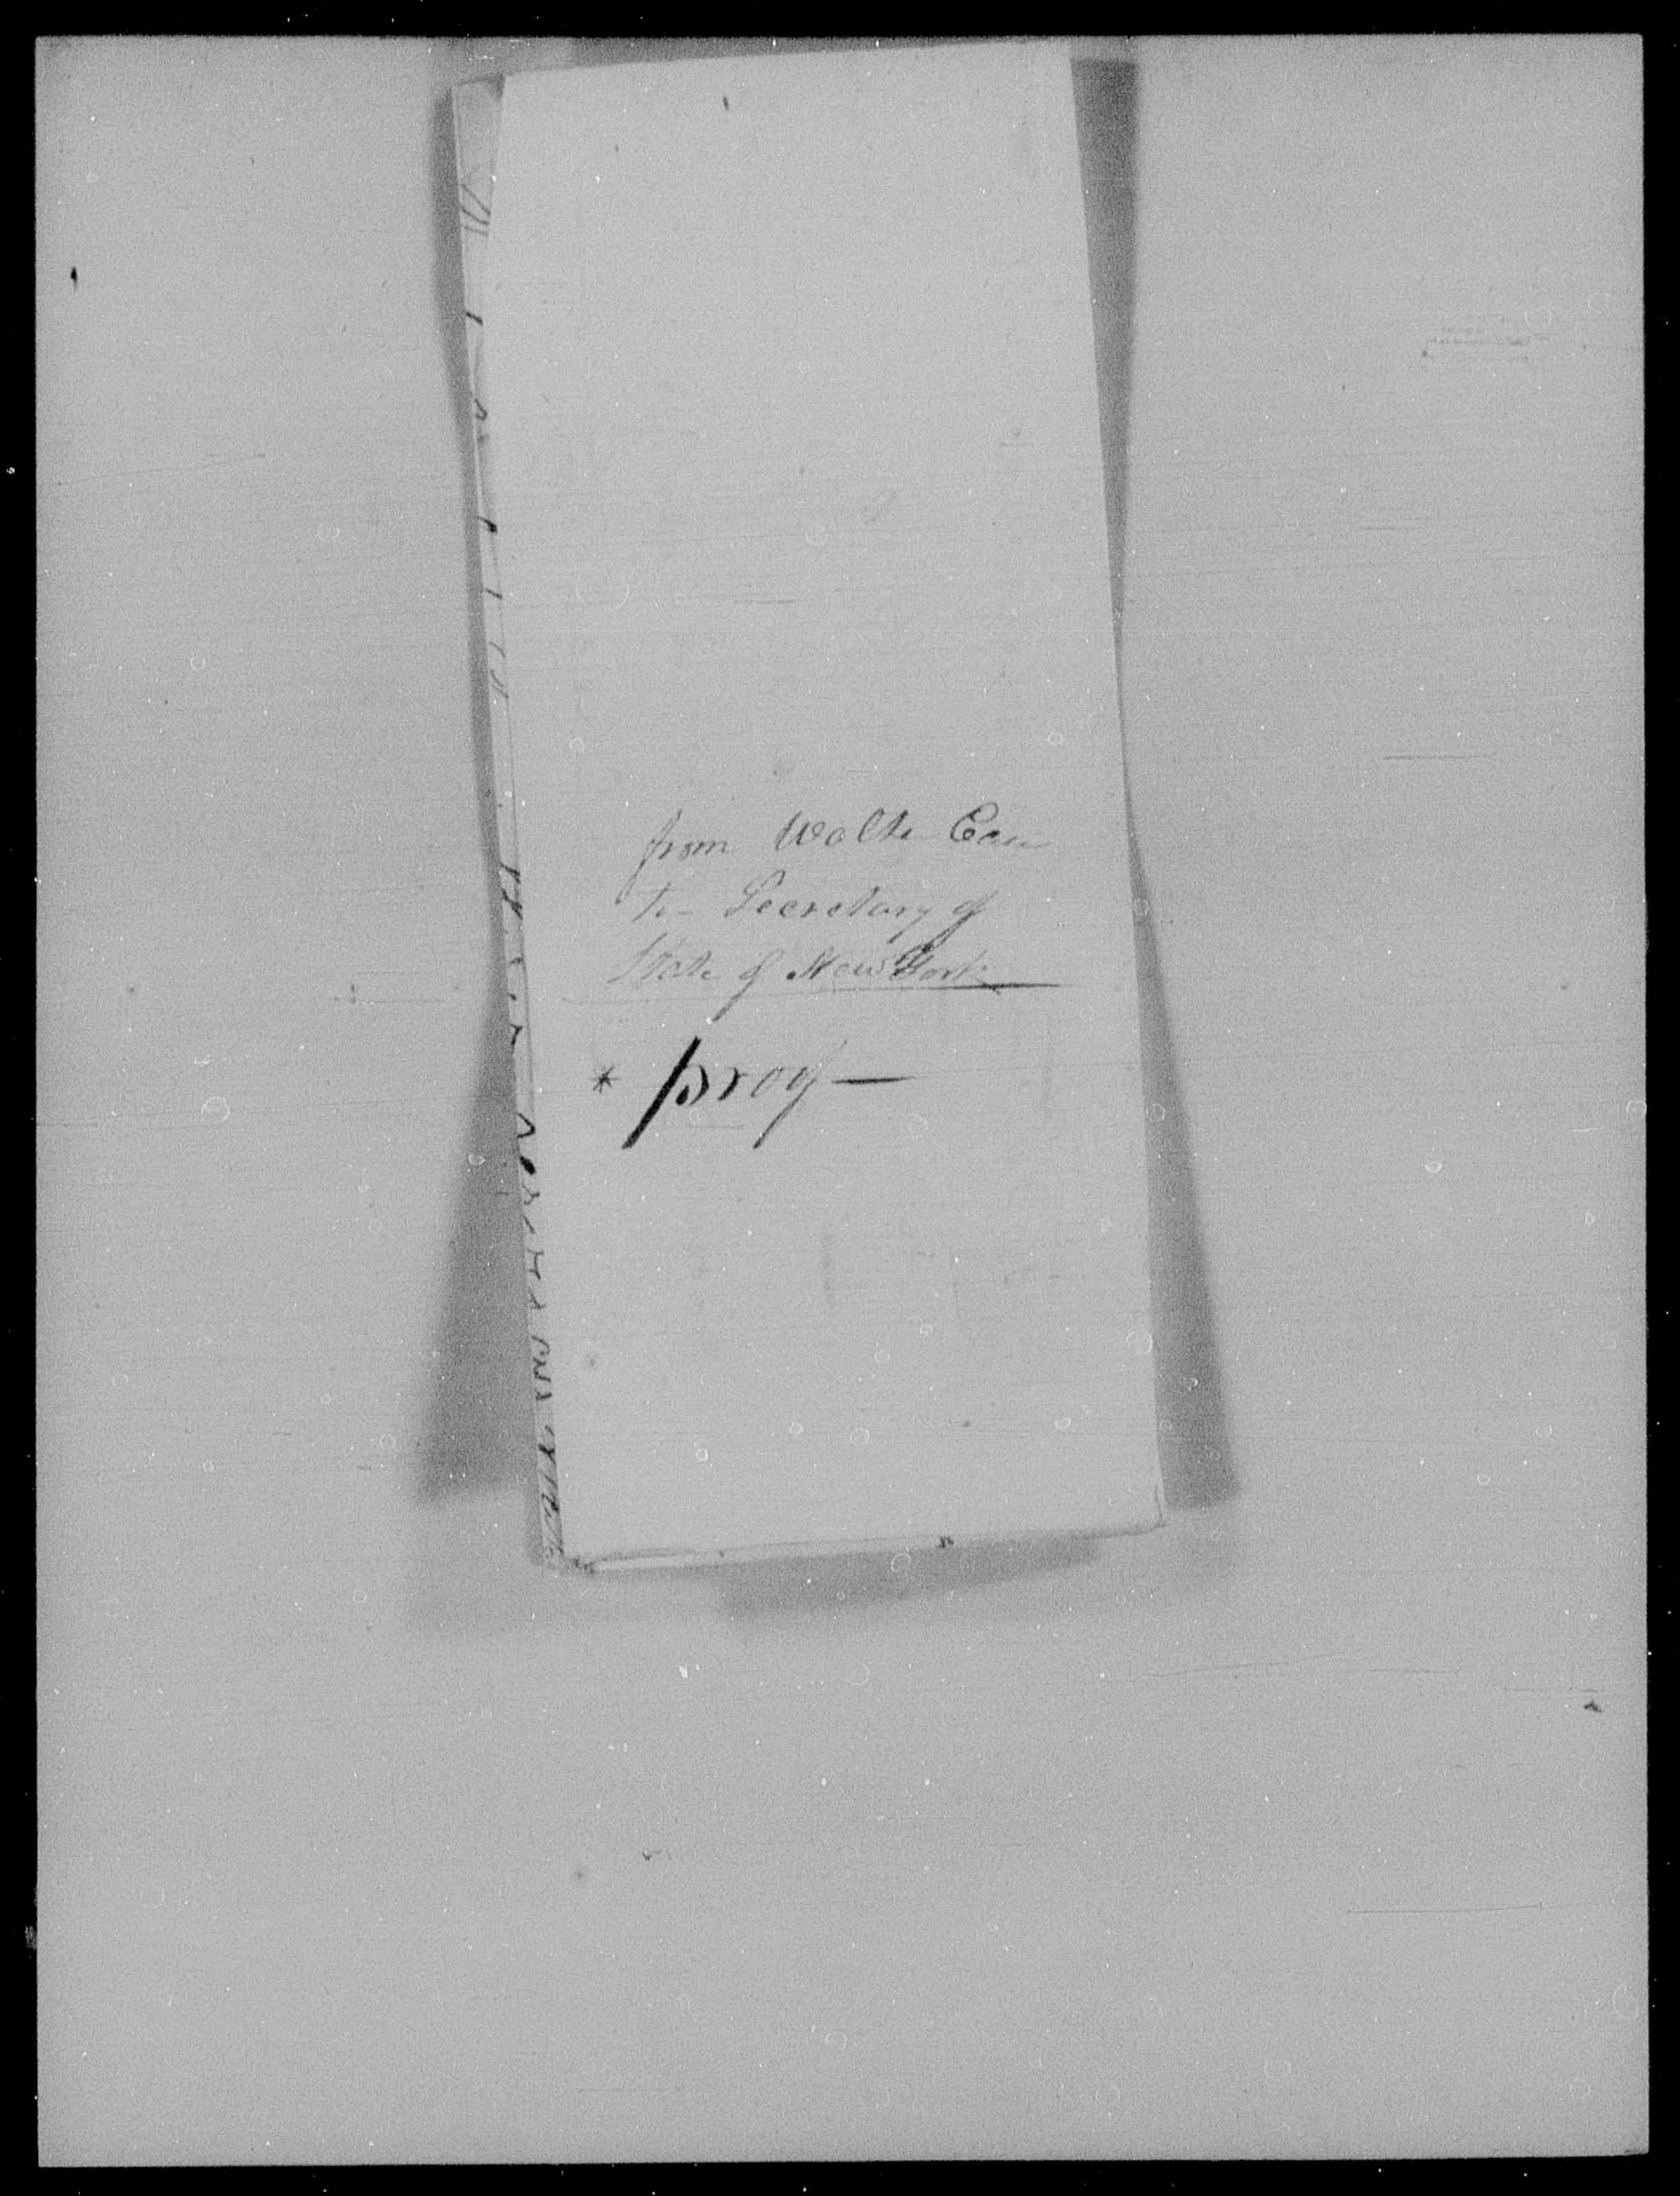from Walker [illegible]
the Secretary of
State of New York
proof-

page: 40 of 64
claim: survivor's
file: S. 42,464, for William Terwilliger, New York